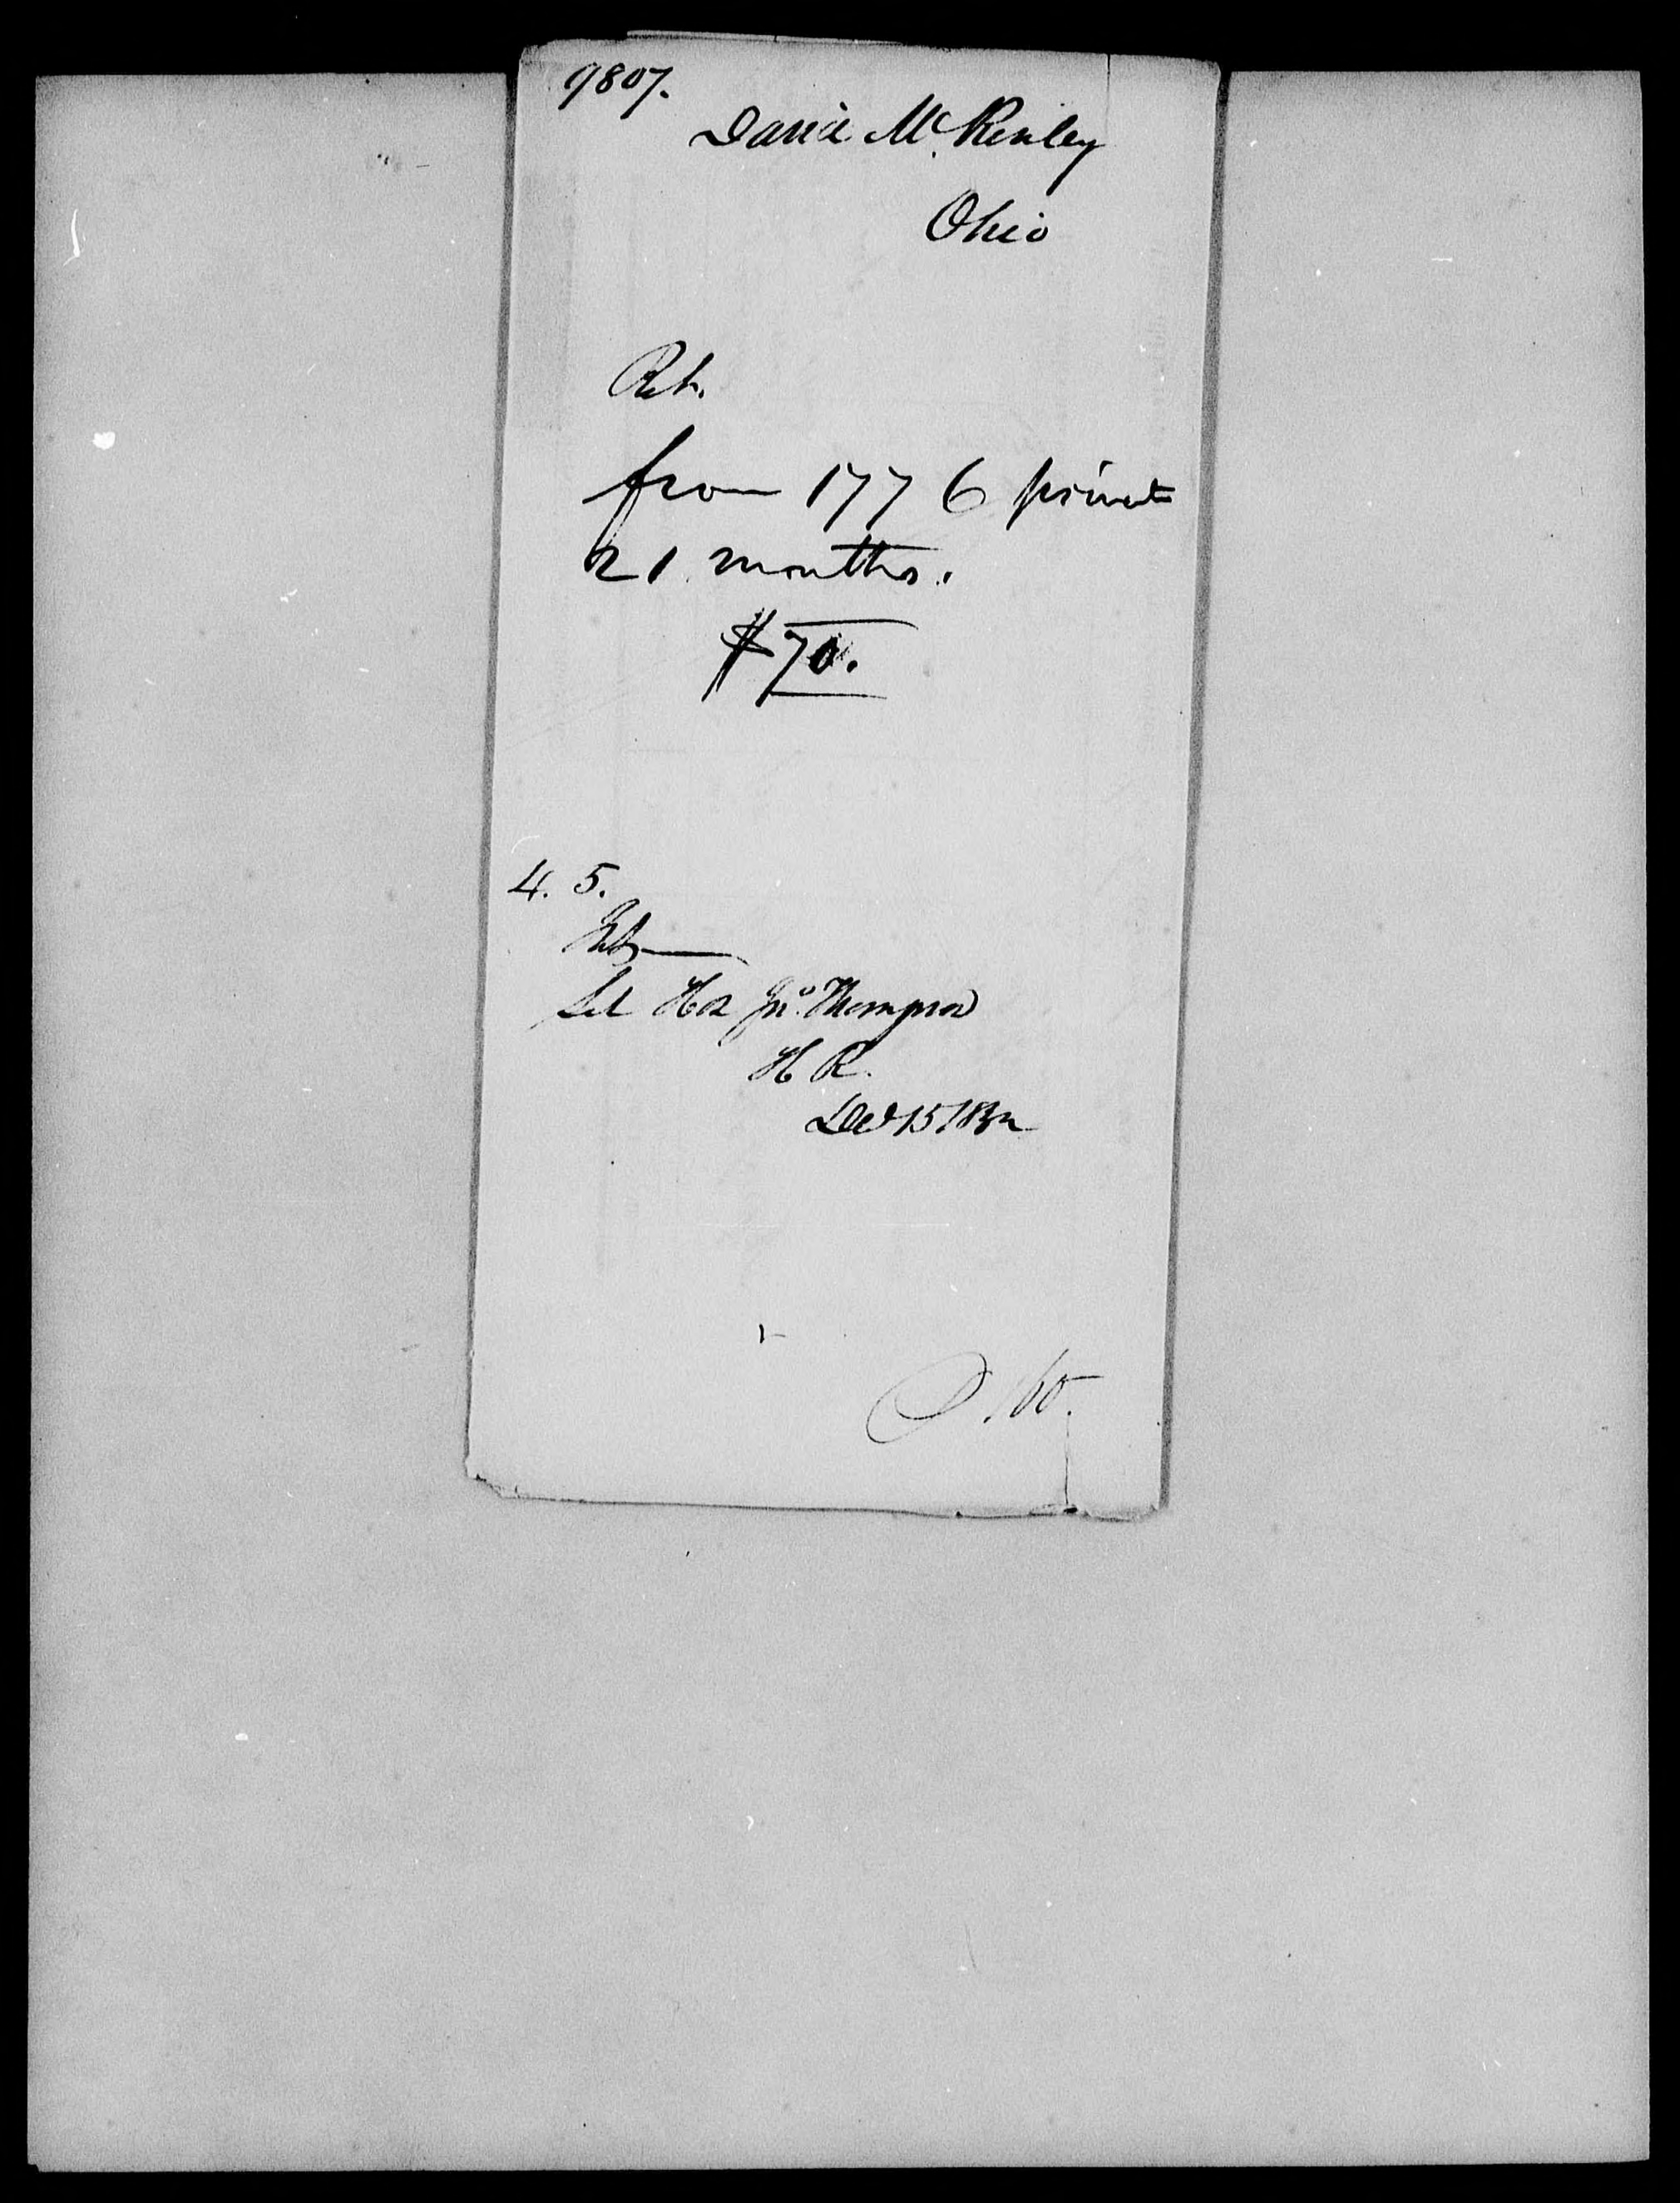1807
David McKinley
Ohio

Ret
from 1776 private
21 months
$70.

4.5.
[illegible]
[???] Hon Jn [superscript]o Thompson
HR
Dec 15 183[?]

P. bo.[?]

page: 4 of 39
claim: survivor's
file: S. 2812, for David Mc Kinley, Pennsylvania